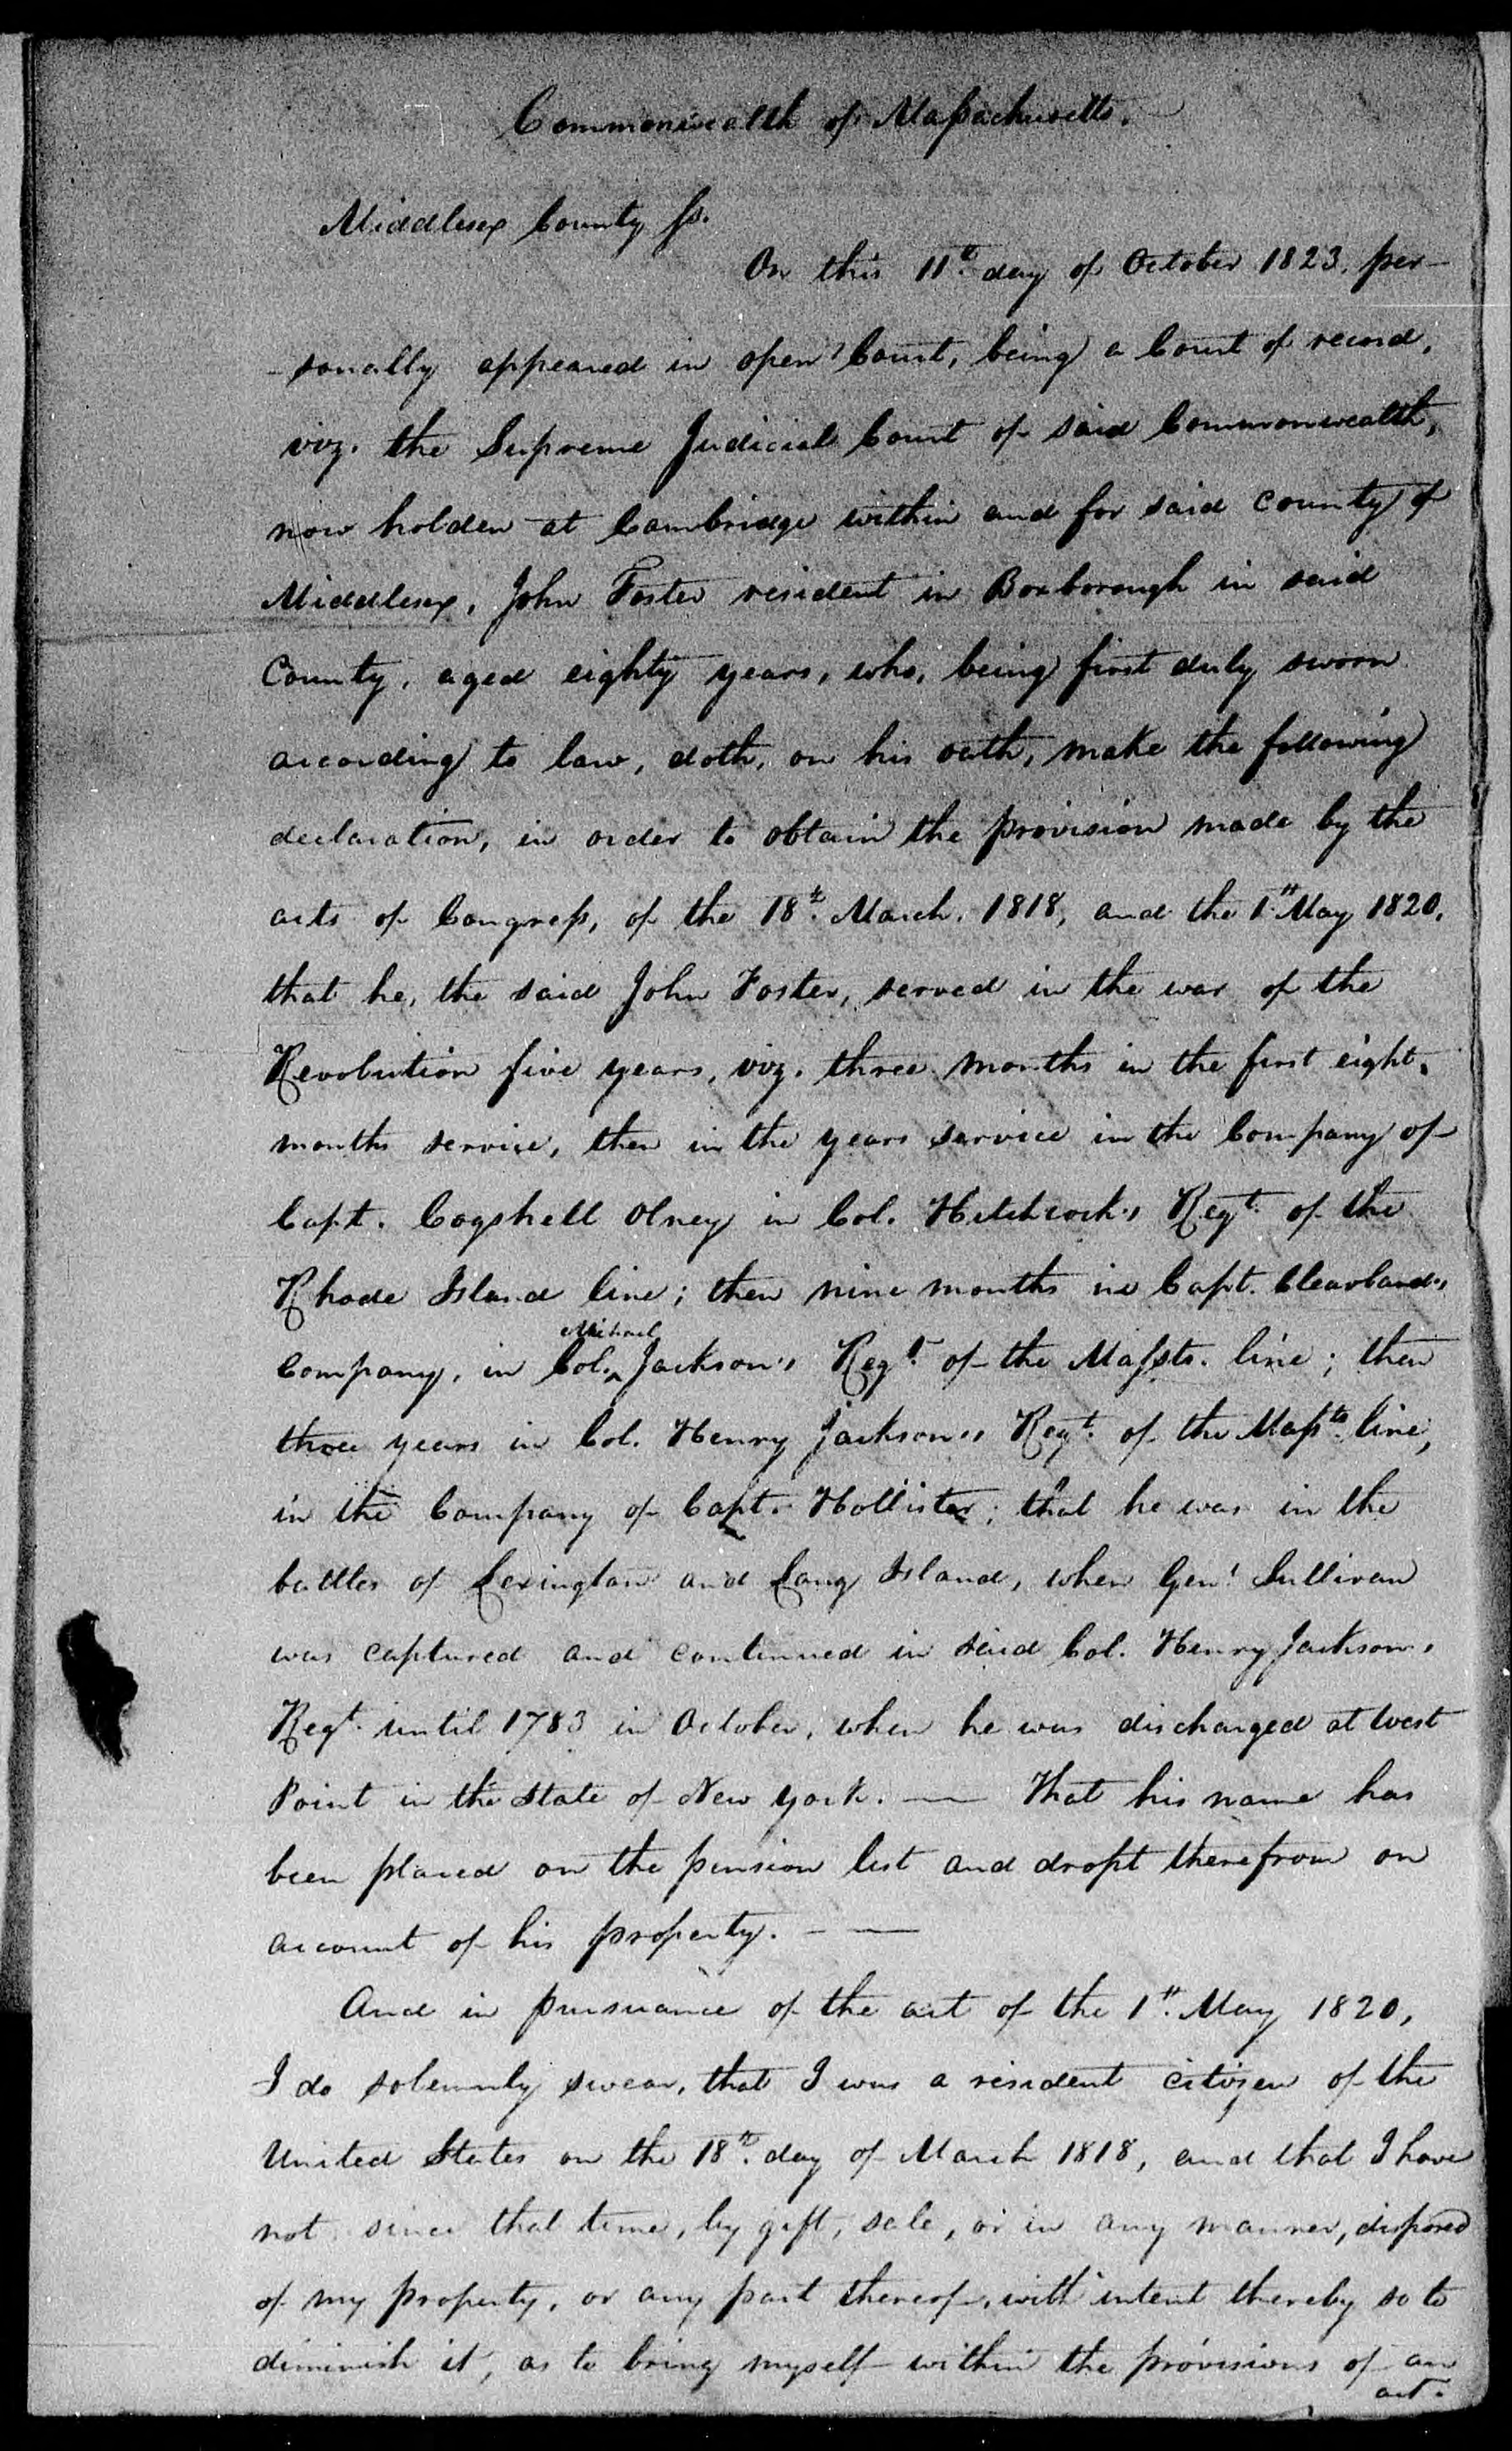Commonwealth of Massachusetts.
Middlesex County ss.
On this 11th day of October 1823, personally appeared in open Court, being a Court of record, viz. the Supreme Judicial Court of said Commonwealth, now holden at Cambridge within and for said County of Middlesex, John Foster resident in Boxborough in said County, aged eighty years, who, being first duly sworn according to law, doth, on his oath, make the following declaration, in order to obtain the provision made by the acts of Congress, of the 18th March, 1818, and the 1st May 1820, that he, the said John Foster, served in the war of the Revolution five years, viz. three months in the first eight months service, then in the years service in the Company of Capt. Cogshell Olney in Col. Hitchcock's Regt. of the Rhode Island line; then nine months in Capt. Cleavland's Company, in Col. ^Michael Jackson's Regt. of the Massts. line; then three years in Col. Henry Jackson's Regt. of the Massts. line, in the Company of Capt. Hillister; that he was in the battles of Lexington and Long Island, when Genl. Sullivan was captured and continued in said Col. Henry Jackson's Regt. until 1783 in October, when he was discharged at West Point in the State of New York.  That his name has been placed on the pension list and dropt [dropped] therefrom on account of his property.
And in pursuance of the act of the 1st May 1820, I do solemnly swear, that I was a resident citizen of the United States on the 18th day of March 1818, and that I have not, since that time, by gift, sale, or in any manner, disposed of my property, or any part thereof, with intent thereby so to diminish it, as to bring myself within the provisions of an act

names: Cogshell Olney, John Foster, John Foster, Hollister, Sullivan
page: 24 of 47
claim: widow's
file: W. 7,302, John Foster, Continental Mass. R.I.